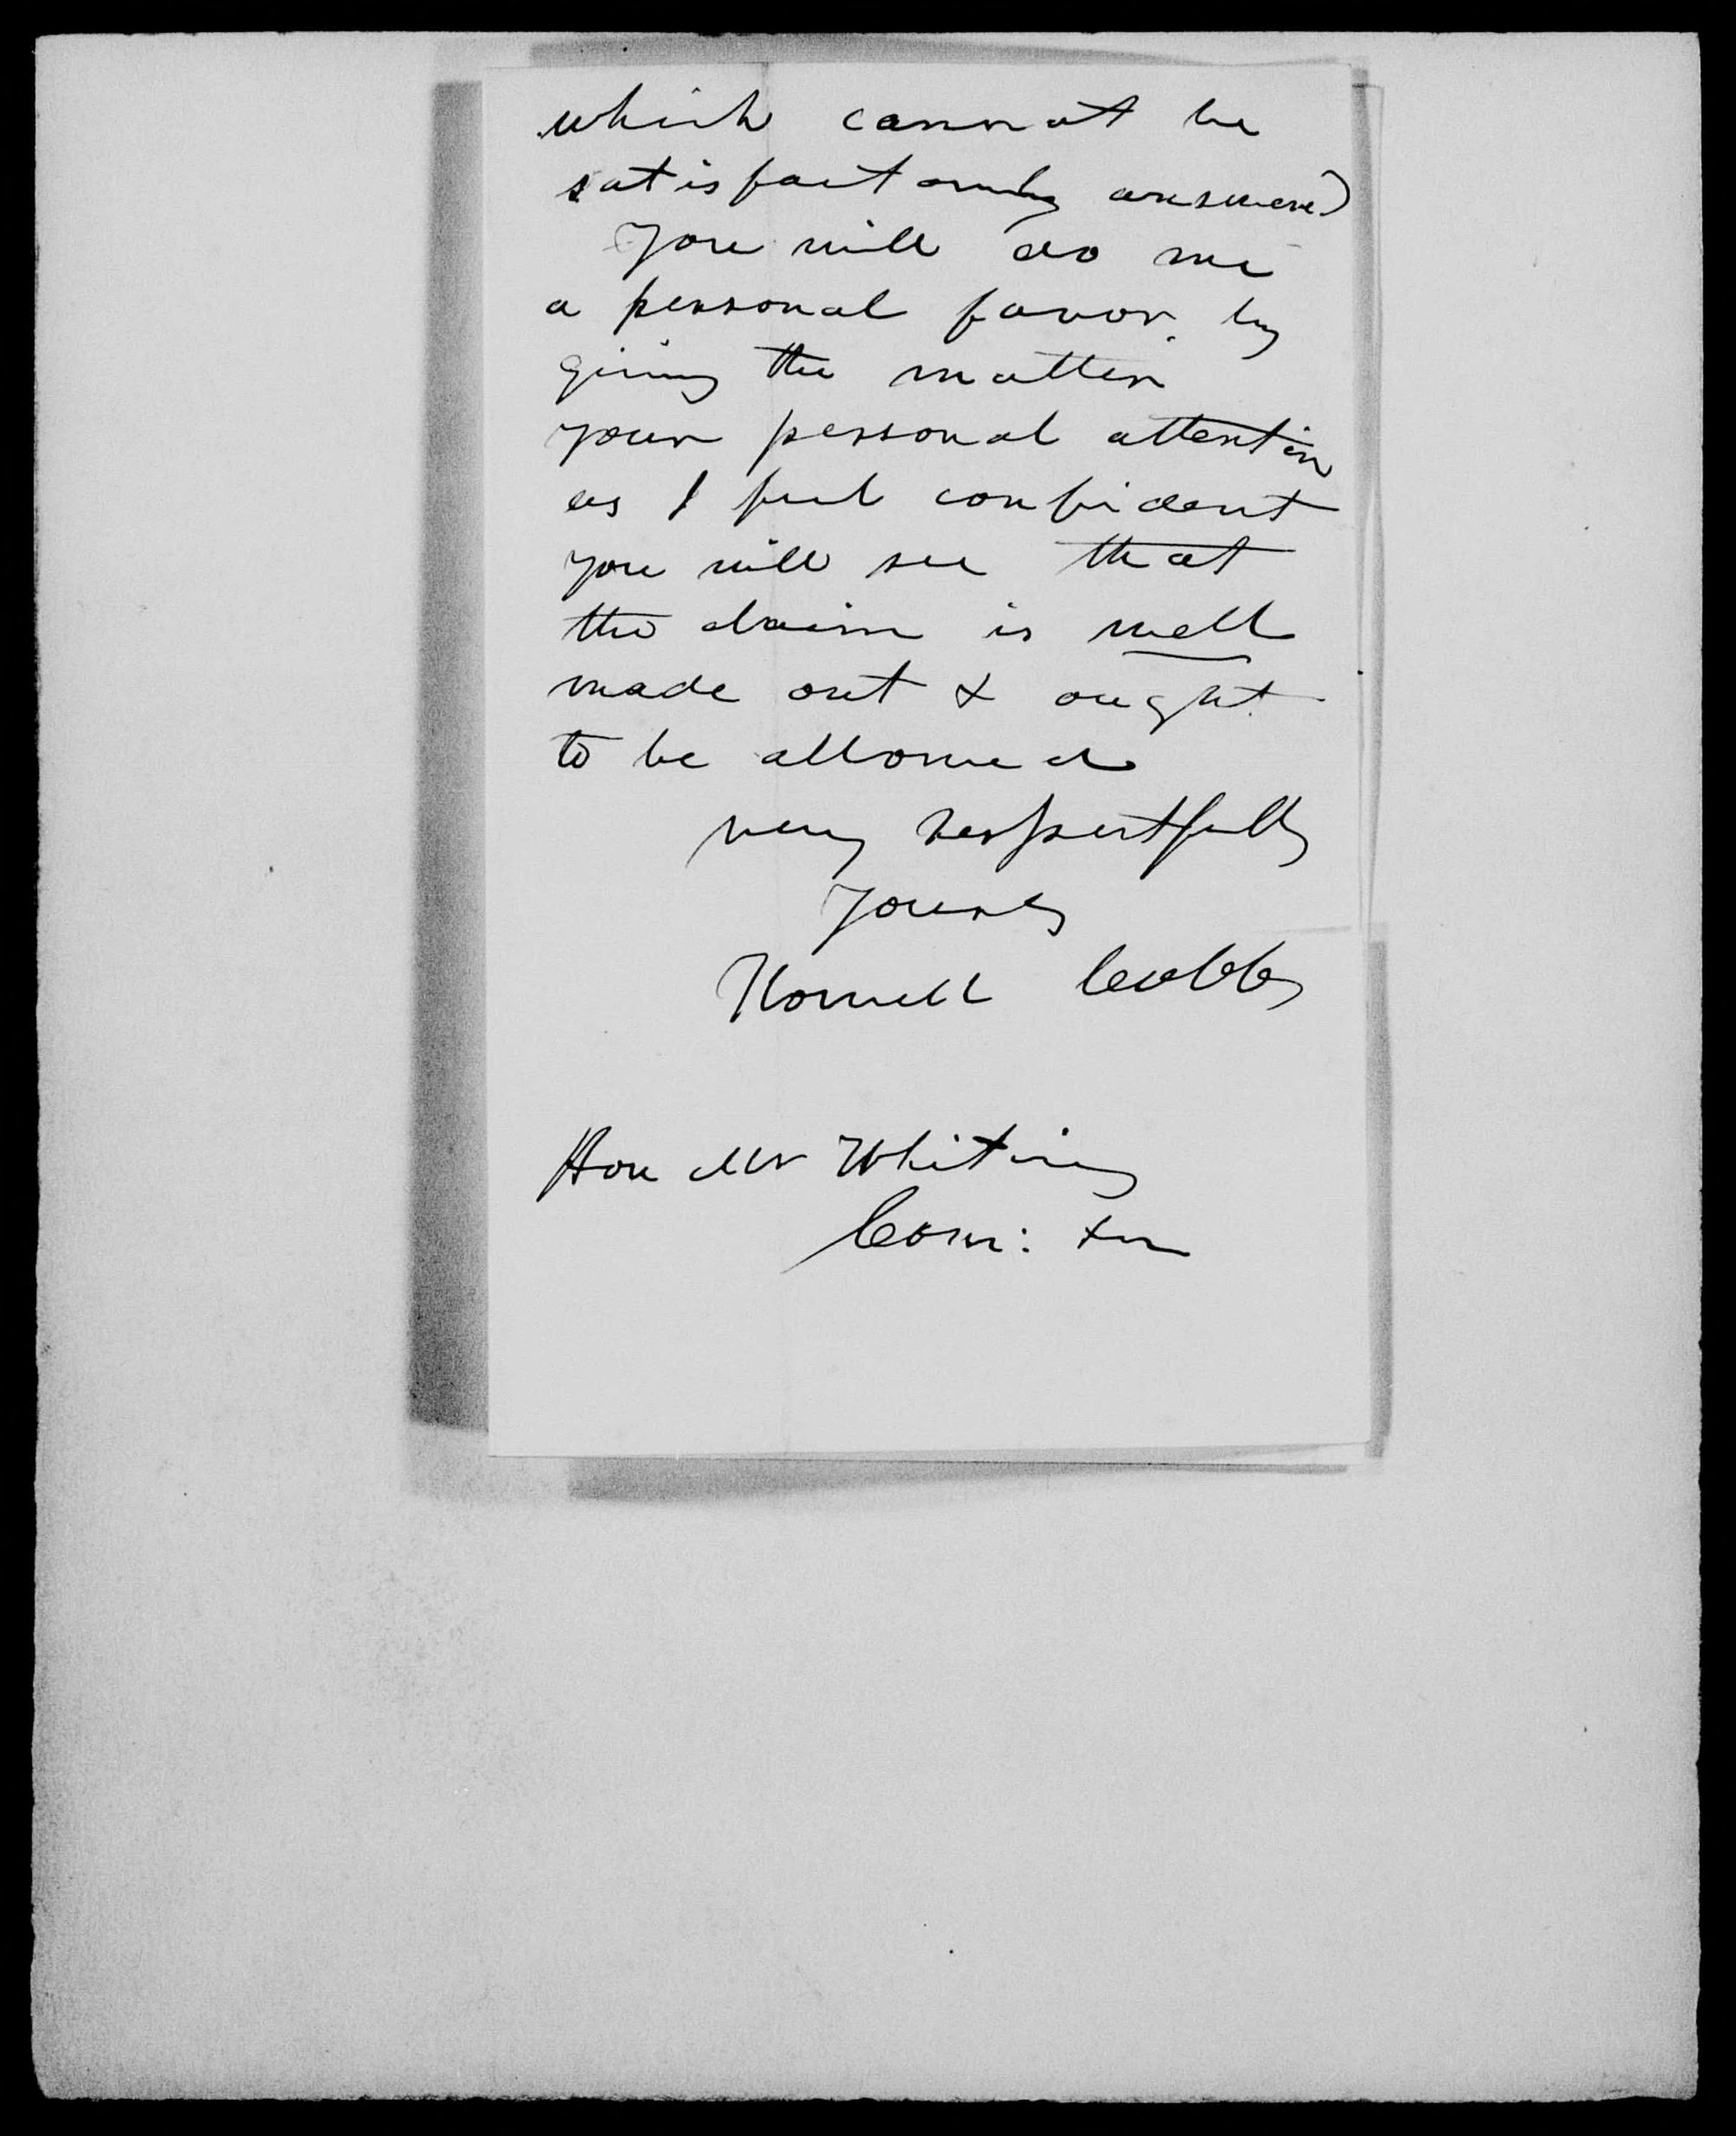which cannot be satisfactorily answered. You will do me a personal favor by giving the matter your personal attention as I feel confident you will see that the [illegible] is well [underlined] made out & ought to be allowed.
Very respectfully yours
Howell Cobb

Hon. Mr. Whiting
Com: [illegible]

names: Whiting, Howell Cobb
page: 63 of 108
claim: rejected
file: R. 7,515, John Hudgins, N.C.